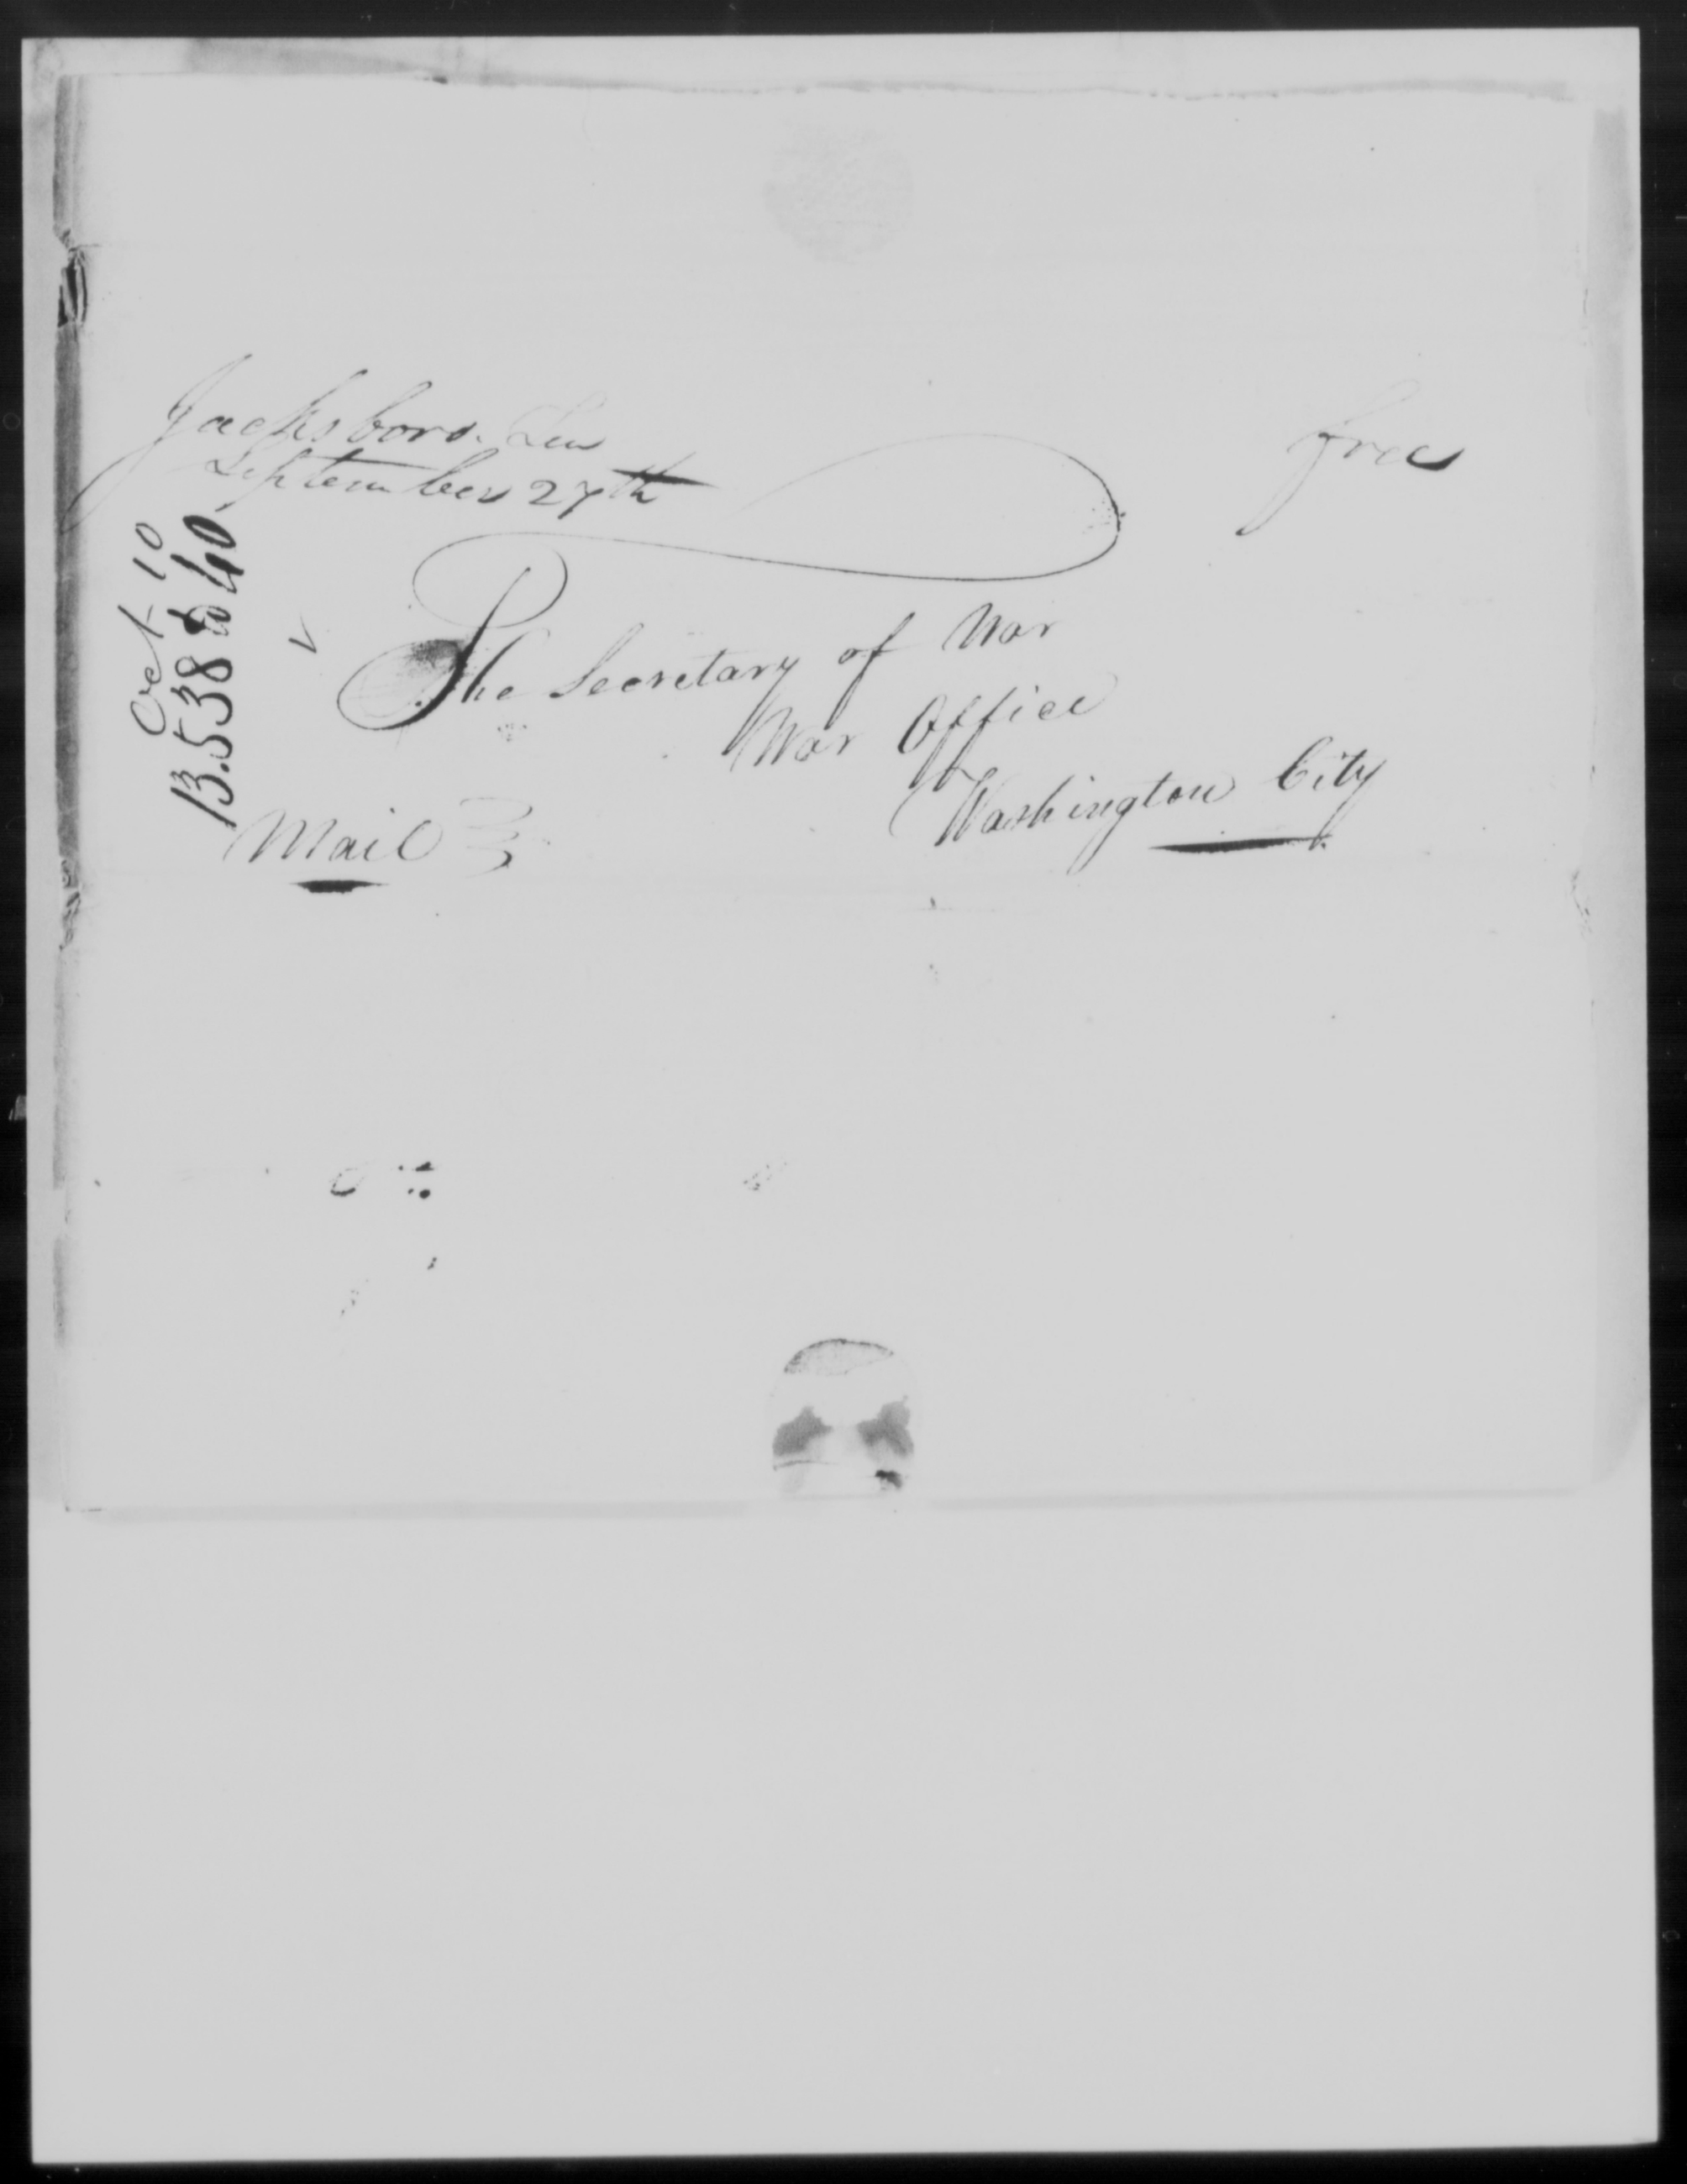[left side of paper, vertically along margin]
Oct. 10
13.538 to 60 [poss. 40?]

[top left side of paper]
Jacksboro, Lea.              free
September 27th

[center]
The Secretary of War
War Office 
Washington City

mail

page: 22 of 22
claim: survivor's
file: S 2023, John Whitman, Va.